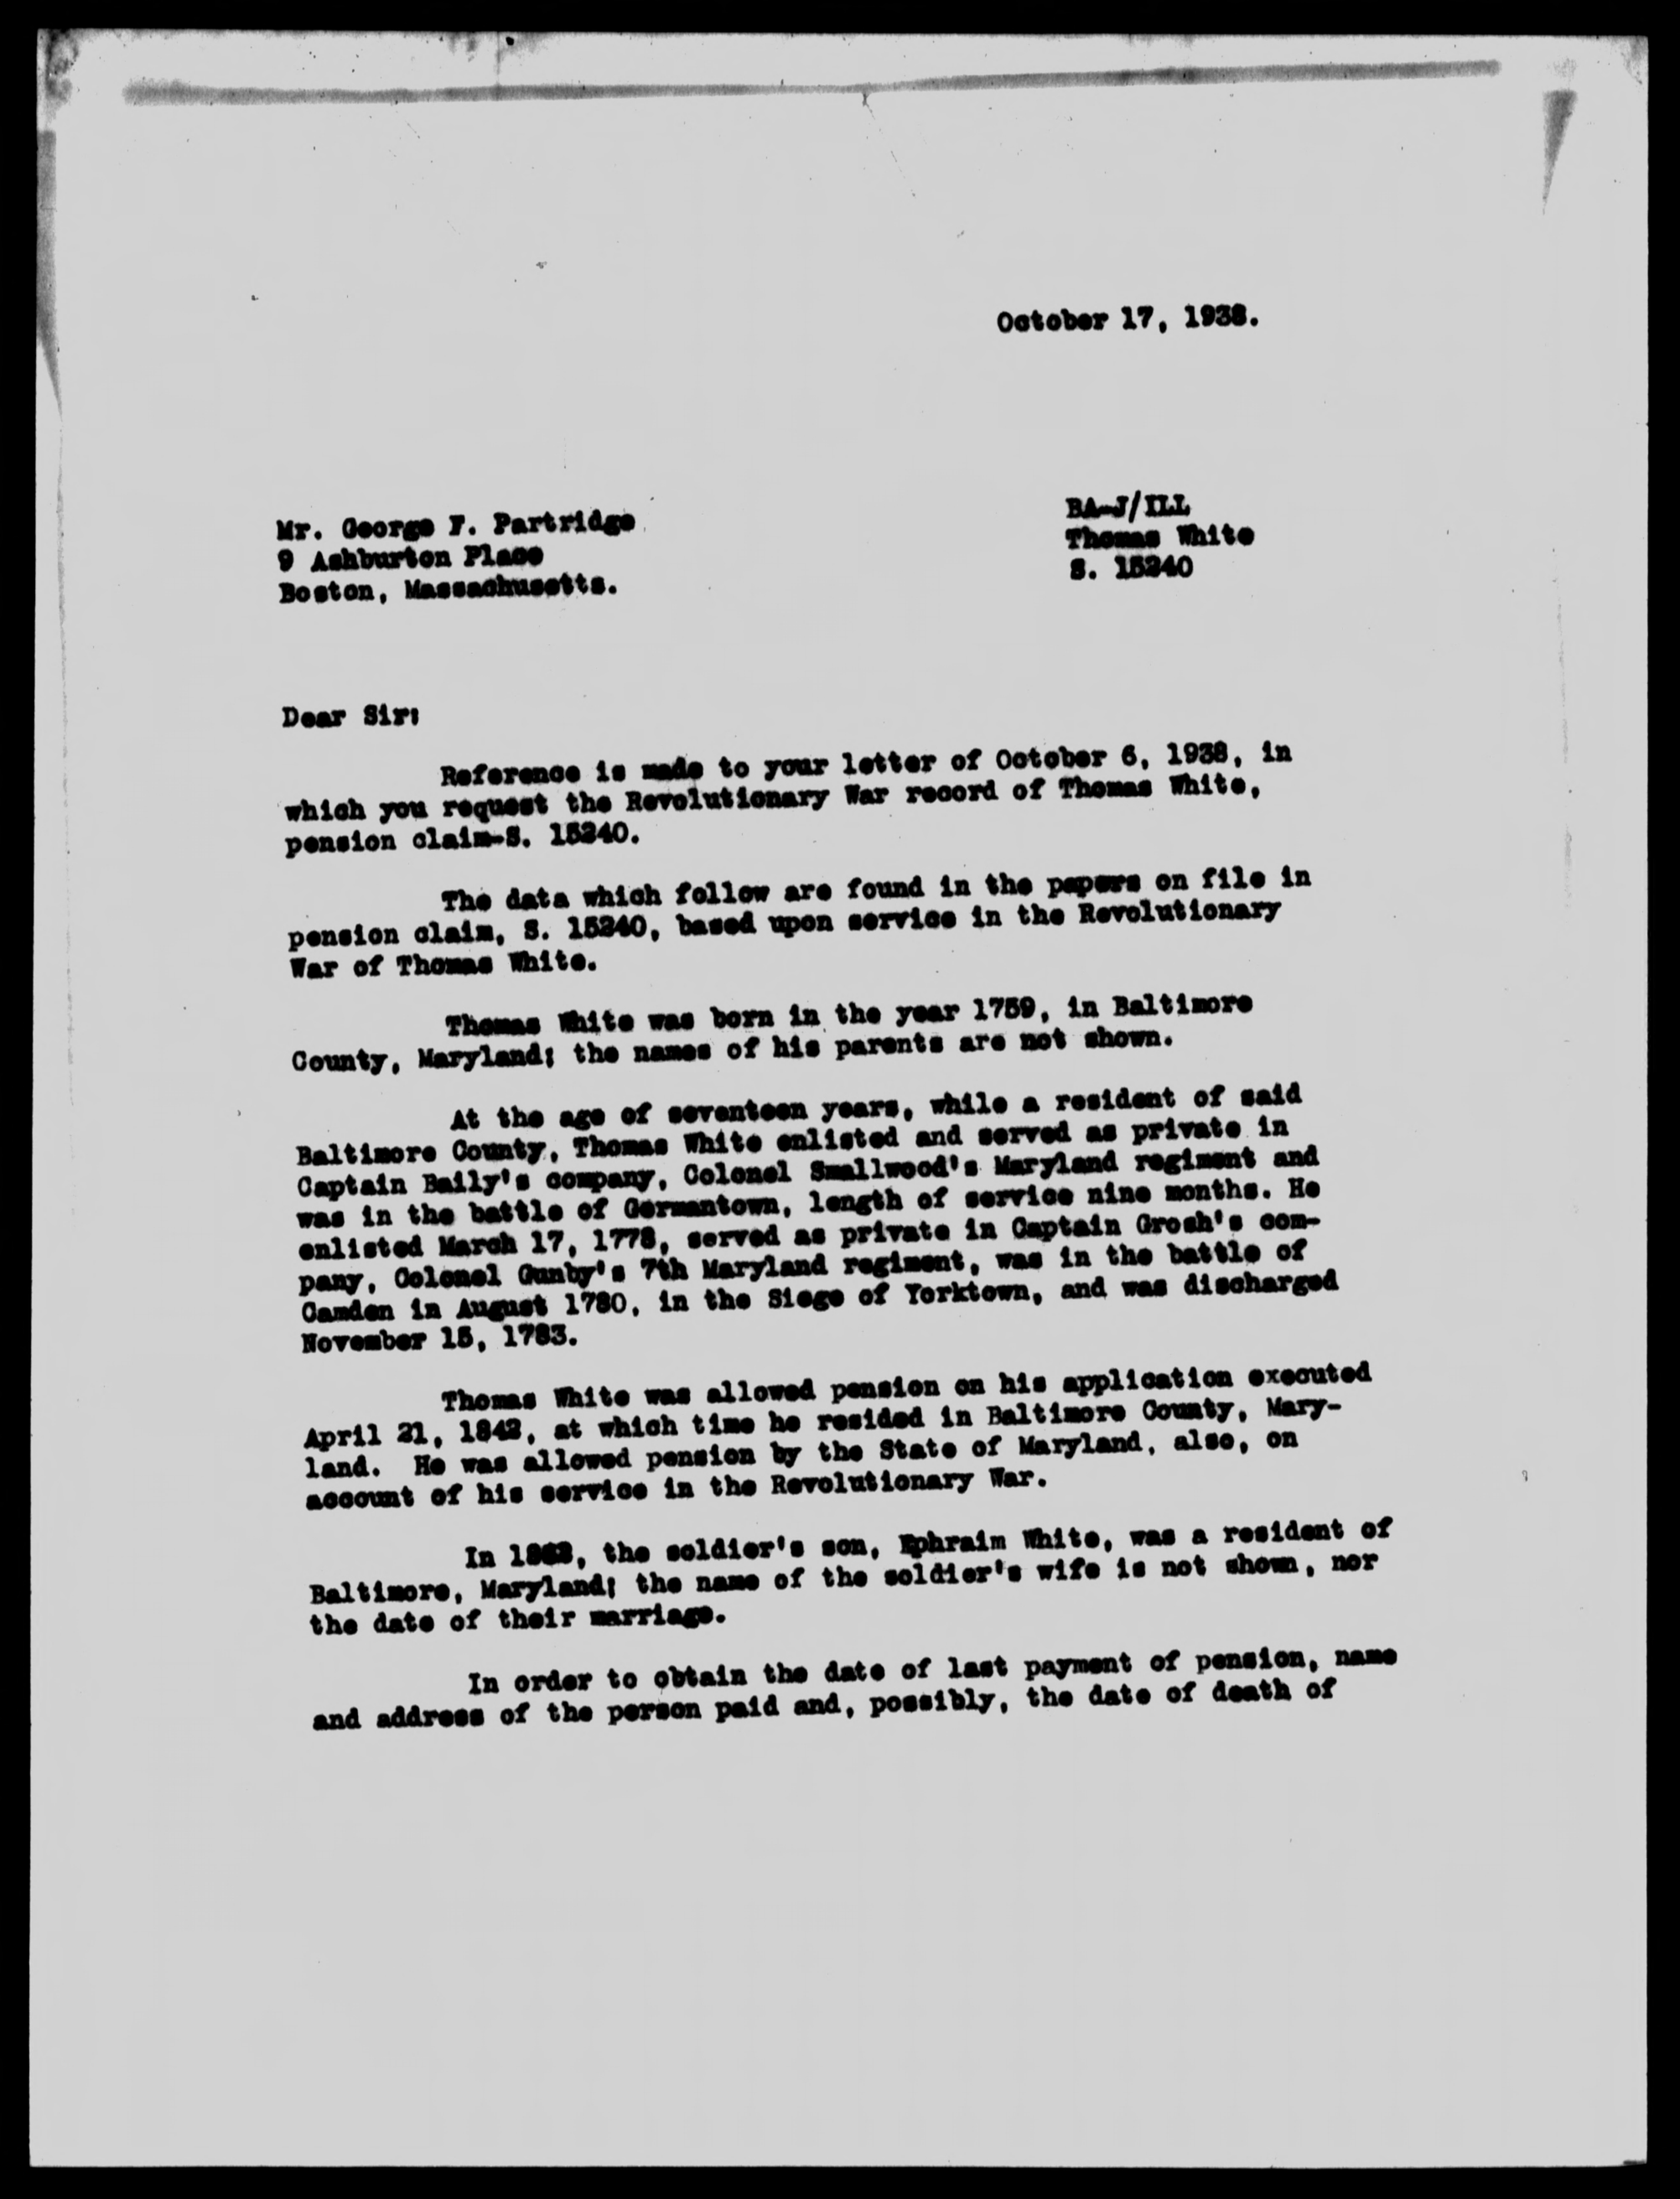October 17, 1938.

Mr. George F. Partridge | BA-J/ILL
9 Ashburton Place | Thomas White
Boston, Massachusetts. | S. 15240

Dear Sir:

Reference is made to your letter of October 6, 1938, in 
which you request the Revolutionary War record of Thomas White, 
pension claim-S. 15240.

The data which follow are found in the papers on file in 
pension claim, S. 15240, based upon service in the Revolutionary 
War of Thomas White.  

Thomas White was born in the year 1759, in Baltimore 
County, Maryland; the names of his parents are not shown.

At the age of seventeen years, while a resident of said 
Baltimore County, Thomas White enlisted and served as private in 
Captain Bailey's company, Colonel Smallwood's Maryland regiment and 
was in the battle of Germantown, length of service nine months.  He 
enlisted March 17, 1778, served as private in Captain Gresh's com
pany, Colonel Gunby's 7th Maryland regiment, was in the battle of 
Camden in August 1780, in the siege of Yorktown, and was discharged 
November 15, 1783.

Thomas White was allowed pension on his application executed 
April 21, 1842, at which time he resided in Baltimore County, Mary
land.  He was allowed pension by the State of Maryland, also, on 
account of his service in the Revolutionary War.

In 1842, the soldier's son Ephraim White, was a resident of 
Baltimore, Maryland; the name of the soldier's wife is not shown, nor 
the date of their marriage.

In order to obtain the date of last payment of pension, name 
and address of the person paid and, possibly, the date of death of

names: George F Partridge, Ephraim White, Thomas White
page: 22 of 43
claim: survivor's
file: S. 15240, Thomas White, Md.